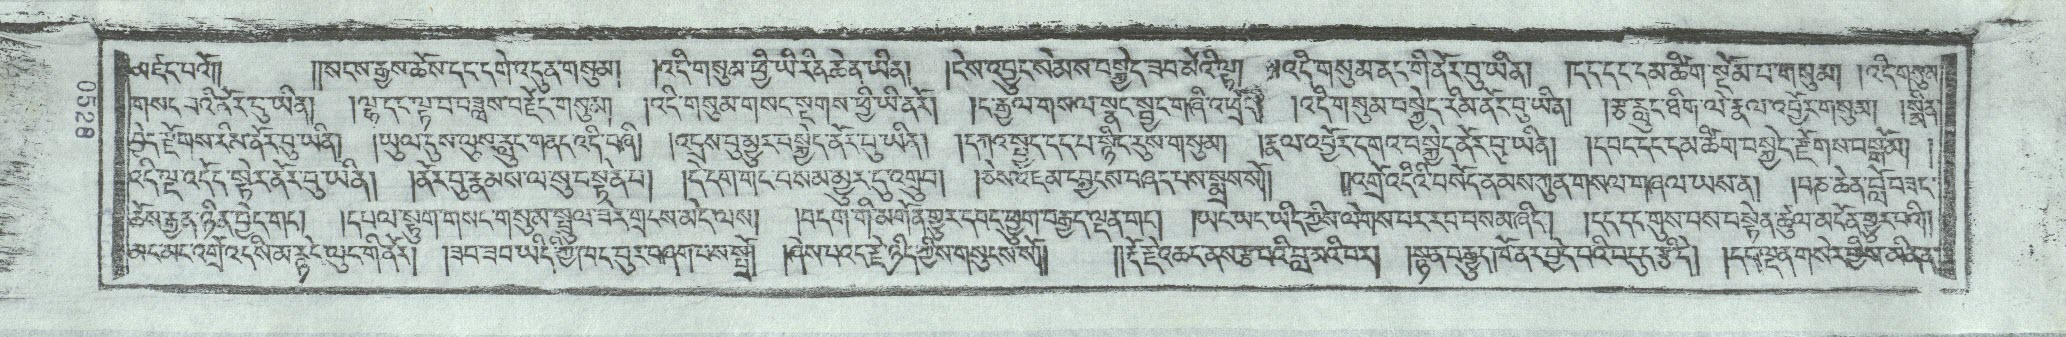མཛད་པའོ།། །།སངས་རྒྱས་ཆོས་དང་དགེ་འདུན་གསུམ། །འདི་གསུམ་ཕྱི་ཡི་རིན་ཆེན་ཡིན། །ངེས་འབྱུང་སེམས་བསྐྱེད་ཟབ་མོའི་ལྟ། །འདི་གསུམ་ནང་གི་ནོར་བུ་ཡིན། །དད་དང་དམ་ཚིག་སྡོམ་པ་གསུམ། །འདི་གསུམ་
གསང་བའི་ནོར་དུ་ཡིན། །ལྷ་དང་ལྟ་བ་བཟླས་བརྗོད་གསུམ། །འདི་གསུམ་གསང་སྔགས་ཕྱི་ཡི་ནོར། །ང་རྒྱལ་གསལ་སྣང་སྦྱང་གཞི་འཕྲོད། །འདི་གསུམ་བསྐྱེད་རིམ་ནོར་བུ་ཡིན། །རྩ་རླུང་ཐིག་ལེ་རྣལ་འབྱོར་གསུམ། །སྨིན་
བྱེད་རྫོགས་རིམ་ནོར་བུ་ཡིན། །ཡུལ་དུས་ལུས་རླུང་གནད་འདི་བཞི། །འདྲས་བུ་མྱུར་བསྐྱེད་ནོར་བུ་ཡིན། །དཀའ་སྤྱད་དད་པ་སྙིང་རུས་གསུམ། །རྣལ་འབྱོར་དགའ་བསྐྱེད་ནོར་བུ་ཡིན། །དབང་དང་དམ་ཚིག་བསྐྱེད་རྫོགས་བསྒོམ། །
འདི་ལྔ་འདོད་སྟེར་ནོར་བུ་ཡིན། །ནོར་བུ་རྣམས་ལ་སུ་བསྟེན་པ། །དེ་དག་གང་བསམ་མྱུར་དུ་འགྲུབ། །ཅེས་འཇམ་དབྱངས་བཞད་པས་སྨྲས་སོ།། །།འགྲོ་འདིའི་བསོད་ནམས་ཀུན་གསལ་གཞལ་ཡས་ན། །པཎ་ཆེན་བློ་བཟང་
ཆོས་རྒྱན་ཉིན་བྱེད་གང་། །དཔལ་སྟུག་གསང་གསུམ་སྤྲུལ་ཟེར་གྲངས་མེད་ལས། །བདག་གི་མགོན་གྱུར་དབང་ཕྱུག་བརྒྱད་ལྡན་གང་། །ཡང་ཡང་ཡིད་ཀྱིས་ལེགས་པར་རབ་བསམ་ཞིང་། །དད་དང་གུས་པས་བསྟེན་ཚུལ་མངོན་གྱུར་པའི།།
མང་མང་འགྲོ་འདིས་མ་རྙེད་ལུང་གི་ནོར། །ཟབ་ཟབ་ཡིད་ཀྱི་ཁང་བུར་བཞག་པས་སྤྲོ། །ཞེས་པའད་རྗེ་ཉིད་ཀྱིས་གསུངས་སོ།། །།རྡོ་རྗེ་འཆང་ནས་རྩ་བའི་བླ་མའི་བར། །སྙན་བརྒྱུད་ཁོ་ནར་བྱེད་པའི་བདུད་རྩི་དེ། །དད་ལྡན་གསེར་གྱིས་མིན་ན་